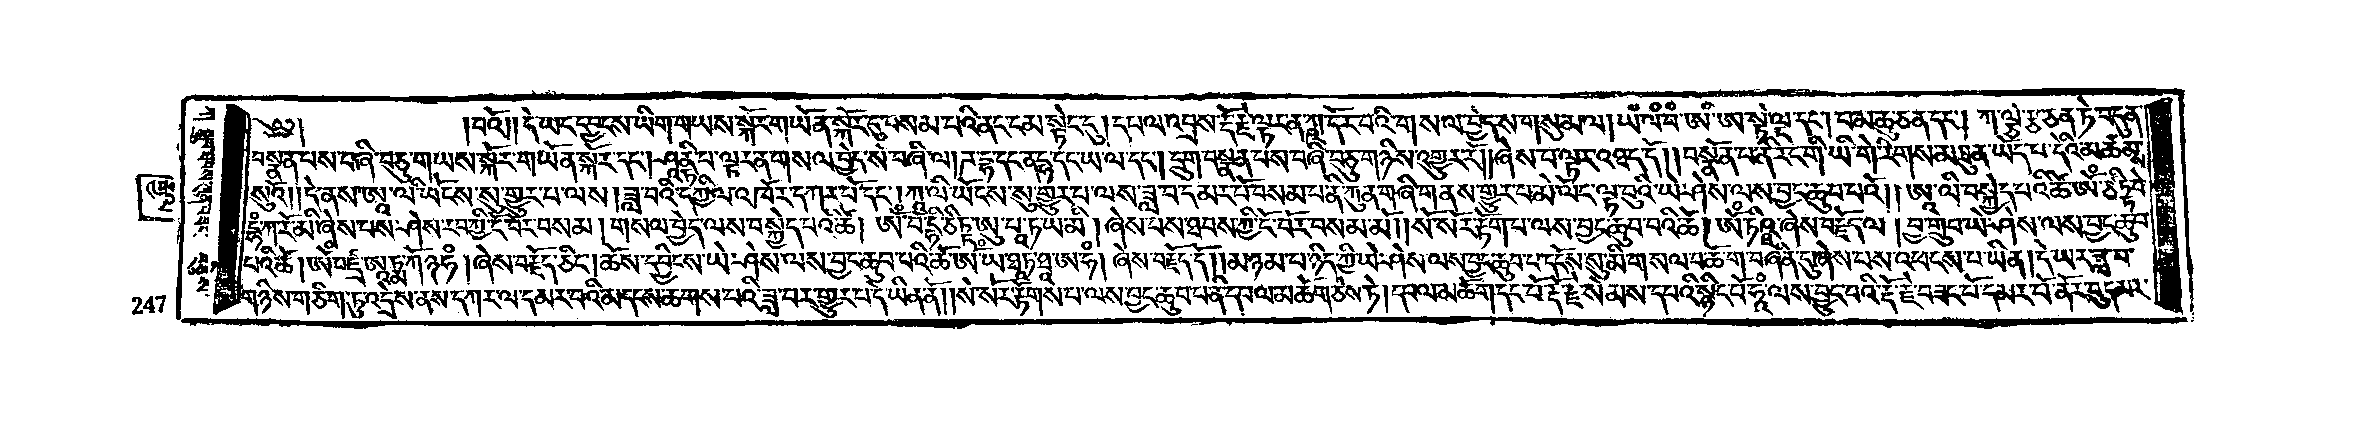༄༅། །བའོ། །དེ་ཡང་དབྱངས་ཡིག་གཡས་སྐོར་གཡོན་སྐོར་དུ་བསམ་པའི་ནང་ངམ་སྟེང་དུ། དཔལ་འབྲས་རྡོ་རྗེ་ལྟར་ན་ཀཥ་དོར་བའི་གསལ་བྱེད་ས་གསུམ་ལ། ཡཾ་ལཾ་བཾ་ཨཾ་ཨ་སྟེ་ལྔ་དང་། བ་མ་ཆུ་ཅན་དང་། ཀ་ལྕེ་རྩ་ཅན་ཏེ་བདུན་
བསྣན་པས་བཞི་བཅུ་གཡས་སྐོར་གཡོན་སྐོར་དང་། ཤཱནཏི་པ་ལྟར་ན་གསལ་བྱེད་སོ་བཞི་ལ། ཌ་དྷ་དང་ན་དྷ་དང་ཡ་ལ་དང་། དྲུག་བསྣན་པས་བཞི་བཅུ་གཉིས་འགྱུར་རོ། །ཞེས་པ་ལྟར་འཐད་དོ། །བསྣོན་པ་ནི་རང་གི་ཡི་གེ་རིགས་མཐུན་ཡོད་པ་དེའི་མཚམས་
སུའོ། །དེ་ནས་ཨཱ་ལི་ཡོངས་སུ་གྱུར་པ་ལས། ཟླ་བའི་དཀྱིལ་འཁོར་དཀར་པོ་དང་། ཀཱ་ལི་ཡོངས་སུ་གྱུར་པ་ལས་ཟླ་བ་དམར་པོ་བསམ་པ་ནི་ཀུན་གཞི་གནས་གྱུར་པ་མེ་ལོང་ལྟ་བུའི་ཡེ་ཤེས་ལས་བྱང་ཆུབ་པའོ། །ཨཱ་ལི་བསྐྱེད་པའི་ཚེ་ཨོཾ་ཙིཏཏ་བེ་
དྷཾ་ཀ་རོ་མི་ཞེས་པས་ཤེས་རབ་ཀྱི་ངོ་བོར་བསམ། གསལ་བྱེད་ལས་བསྐྱེད་པའི་ཚེ། ཨོཾ་བོ་དྷི་ཙིཏཏ་ཨུ་པཱ་ཏ་ཡ་མི། ཞེས་པས་ཐབས་ཀྱི་ངོ་བོར་བསམ་མོ། །སོ་སོར་རྟོག་པ་ལས་བྱང་ཆུབ་པའི་ཚེ། ཨོཾ་ཏིཥཊཿཨ་ཞེས་བརྗོད་ལ། བྱ་གྲུབ་ཡེ་ཤེས་ལས་བྱང་ཆུབ་
པའི་ཚེ། ཨོཾ་བྫྲ་ཨཱ་ཏྨ་ཀོ་ཉ་ཧཾ། ཞེས་བརྗོད་ཅིང་། ཆོས་དབྱིངས་ཡེ་ཤེས་ལས་བྱང་ཆུབ་པའི་ཚེ་ཨོཾ་ཡ་ཐཱ་ཏ་ཐཱ་ཨ་ཧཾ། ཞེས་བརྗོད་དོ། །མཉམ་པ་ཉིད་ཀྱི་ཡེ་ཤེས་ལས་བྱང་ཆུབ་པ་དངོས་སུ་མི་གསལ་བ་ཆོ་ག་བཞིན་དུ་ཞེས་པས་འཕངས་པ་ཡིན། དེ་ཡར་ཟླ་བ་
གཉིས་གཅིག་ཏུ་འདྲེས་ནས་དཀར་ལ་དམར་བའི་མདངས་ཆགས་པའི་ཟླ་བར་གྱུར་པ་དེ་ཡིན་ནོ། །སོ་སོར་རྟོགས་པ་ལས་བྱང་ཆུབ་པ་ནི་དཔལ་མཆོག་ཅེས་ཏེ། དཔལ་མཆོག་དང་པོ་རྡོ་རྗེ་སེམས་དཔའི་སྙིང་པོ་ཧཱཾ་ལས་བྱུང་བའི་རྡོ་རྗེ་བཟང་པོ་དམར་པོ་ནོར་བུ་དམར་